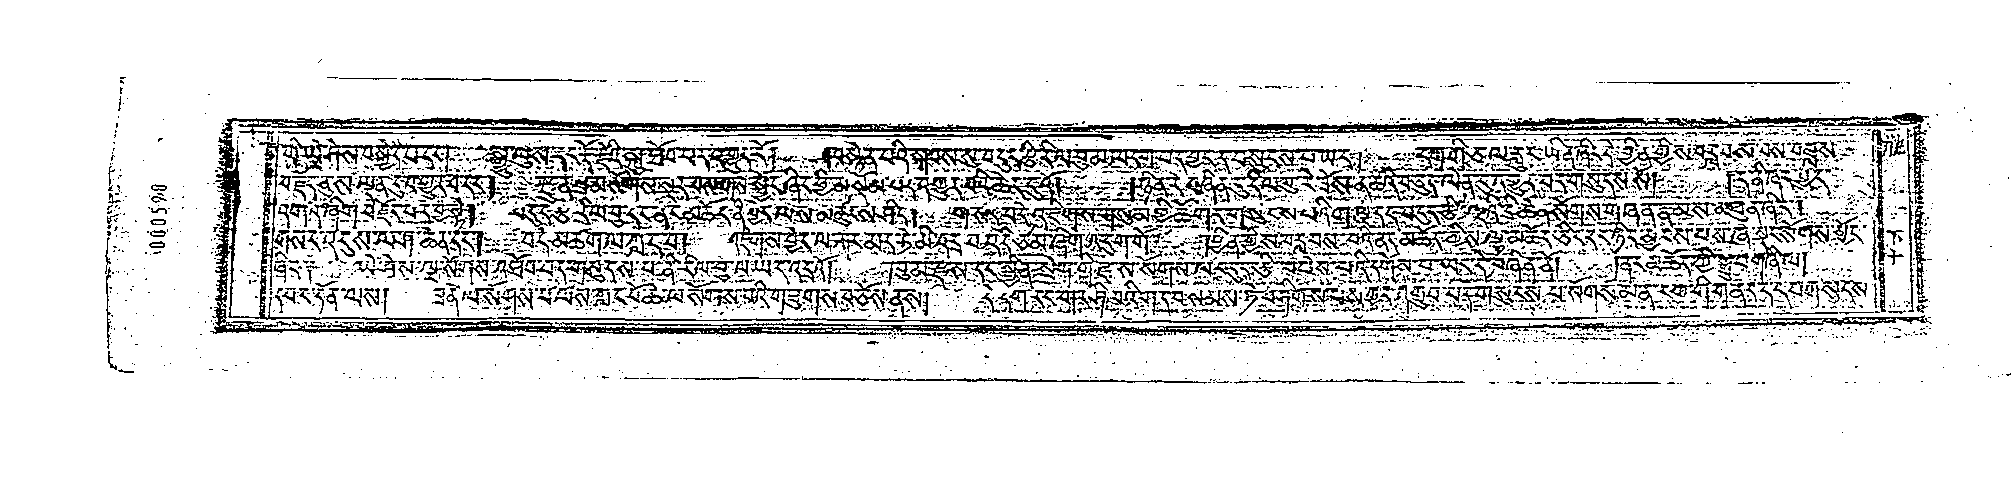གི་ཡེ་ཤེས་བསྐྱེད་པ་དང་། སྒྱུ་ལུས་དང་རྡོ་རྗེའི་སྐུ་ཐོབ་པར་འགྱུར་རོ། །བསྙེན་པའི་སྐབས་སུ་བདུད་རྩི་རིལ་བུ་མ་ལ་དག་པར་བྱ་ངད་བསུངས་བ་ཡང་། དག་གི་ཅལ་རླུང་ཡིན་ཞིང་དེ་བྱིན་གྱིས་བརླབས་བས་བཟླས་
བརྗོད་ནུས་ལྡན་དུ་འགྱུར་བ་དང་། རྫུན་ཕྲ་མ་སོགས་སྔར་བསགས་སྦྱོར་ཞིང་ཕྱི་མ་སྡོམ་པར་འགྱུར་བའི་ཆེད་དུའོ། །ཉིན་རེ་བཞིན་དུ་རིལ་བུ་རེ་ཟོས་ན་ཚེའི་བཅུད་ལེན་དུ་འགྱུར་བར་གསུངས་སོ། །ད་ནི་ཞར་བྱུང་
འགའ་ཞིག་བརྗོད་པར་བྱ་སྟེ། བདུད་རྩི་རིལ་བུ་དང་ནང་མཆོད་ནི་བྱེད་ལས་མཚུངས་ཤིང་། གསང་བདེ་འཇིགས་གསུམ་གྱི་ཆོ་གར་གསུངས་པའི་ཤ་ལྔ་དང་བདུད་རྩི་ལྔའི་དྲི་ཆེན་སོགས་གཞན་རྣམས་མཐུན་ཞིང་།
གསང་འདུས་ལ་ཤ་ཆེན་དང་། བདེ་མཆོག་ལ་ཀླད་པ། འཇིགས་བྱེད་ལ་རྐང་མར་ཏེ་མི་འདྲ་བ་འདི་ཙམ་ཞིག་འདུག་གོ །བྱིན་གྱིས་བརླབས་པའི་ནད་མཆོད་ཀྱིས་ལྷ་མཆོད་ཅིང་རང་ཉིད་མྱངས་པས་ཞེ་སྡང་སོགས་སྦྱོང་
ཞིང༑ ཡེ་ཤེས་ལྔ་སོགས་འཐོབ་བར་གསུངས་པ་ནི་རིལ་བུ་ལ་ཡང་འདྲའོ། །བུམ་རྫས་དང་སྦྱིན་སྲེག་གི་རྫས་སོགས་ལ་བདུད་རྩི་བསྲེས་པའི་དགོས་པ་ཡང་དེ་བཞིན་ནོ། །ནང་མཆོད་ཀྱི་སྒྲུབ་གཞི་ལ།
དབང་དོན་ལས། བྲན་ལ་སོགས་པ་ལས་གླང་པོ་ཆེ་ལ་སོགས་བའི་གཟུགས་བཅོས་ནས། དེ་དག་རང་གར་ཤི་བའི་གདབ་སམས་ཏེ་བཤིགས་པས་ཀྱང་འགྲུབ་པར་གསུངས་པ་སོགས་མན་ངག་གི་གནང་དང་པ་གསངས་